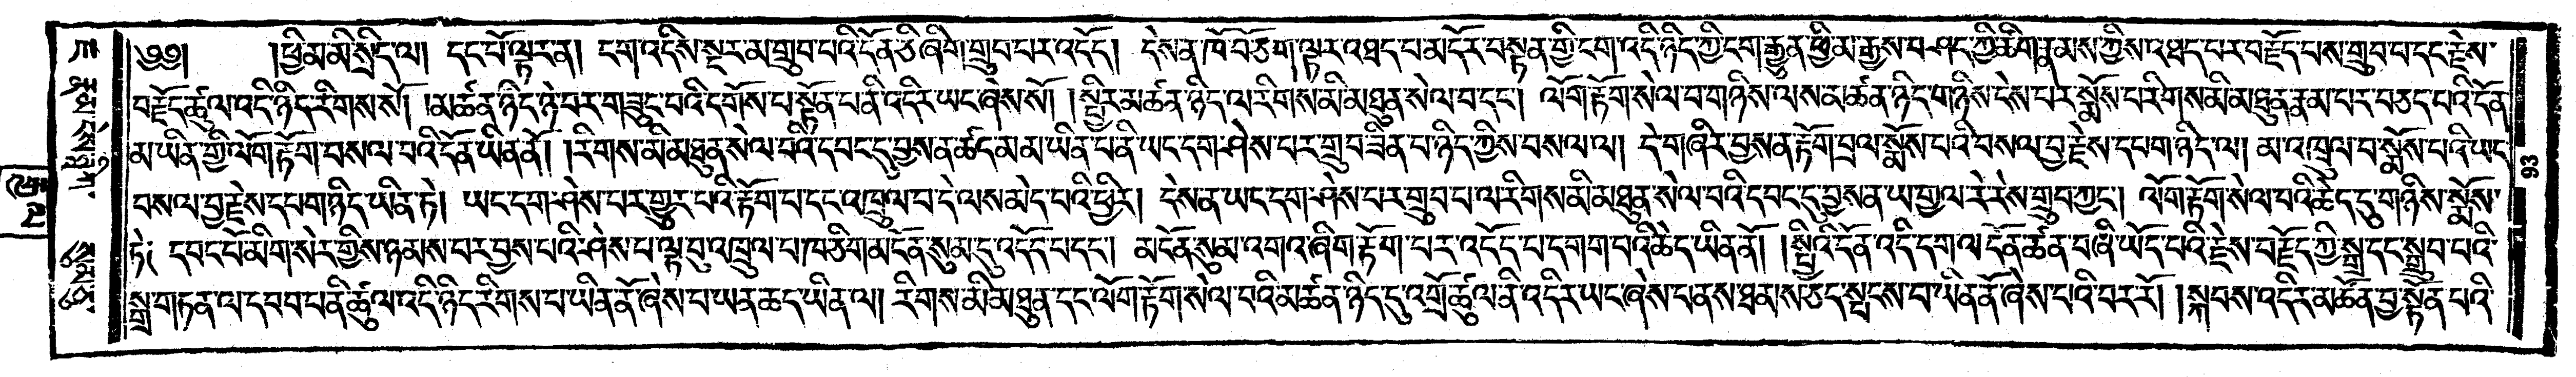༄༅། །ཕྱི་མ་མི་སྲིད་ལ། དང་པོ་ལྟར་ན། ངག་འདིས་སྔར་མ་གྲུབ་པའི་དོན་ཅི་ཞིག་གྲུབ་པར་འདོད། དེས་ན་ཁོ་བོ་ཅག་ལྟར་འཐད་པ་མདོར་བསྟན་གྱི་ངག་འདི་ཉིད་ཀྱི་ངག་རྒྱུན་ཕྱི་མ་རྒྱས་བཤད་ཀྱི་ཚིག་རྣམས་ཀྱིས་འཐད་པར་བརྗོད་པས་གྲུབ་པ་དང་རྗེས་
བརྗོད་ཚུལ་འདི་ཉིད་རིགས་སོ། །མཚན་ཉིད་ཉེ་བར་གཟུང་བའི་དགོས་པ་སྟོན་པ་ནི་འདིར་ཡང་ཞེས་སོ། །སྤྱིར་མཚན་ཉིད་ལ་རིགས་མི་མཐུན་སེལ་བ་དང་། ལོག་རྟོག་སེལ་བ་གཉིས་ལས་མཚན་ཉིད་གཉིས་ངེས་པར་སྨོས་པ་རིགས་མི་མཐུན་རྣམ་པར་བཅད་པའི་དོན་
མ་ཡིན་གྱི་ལོག་རྟོག་བསལ་བའི་དོན་ཡིན་ནོ། །རིགས་མི་མཐུན་སེལ་བའི་དབང་དུ་བྱས་ན་ཚད་མ་མ་ཡིན་པ་ནི་ཡང་དག་ཤེས་པར་གྲུབ་ཟིན་པ་ཉིད་ཀྱིས་བསལ་ལ། དེ་གཞིར་བྱས་ན་རྟོག་བྲལ་སྨོས་པའི་བསལ་བྱ་རྗེས་དཔག་ཉིད་ལ། མ་འཁྲུལ་བ་སྨོས་པའི་ཡང་
བསལ་བྱ་རྗེས་དཔག་ཉིད་ཡིན་ཏེ། ཡང་དག་ཤེས་པར་གྱུར་པའི་རྟོག་པ་དང་འཁྲུལ་བ་དེ་ལས་མེད་པའི་ཕྱིར། དེས་ན་ཡང་དག་ཤེས་པར་གྲུབ་པ་ལ་རིགས་མི་མཐུན་སེལ་བའི་དབང་དུ་བྱས་ན་ཡ་གྱལ་རེ་རེས་གྲུབ་ཀྱང་། ལོག་རྟོག་སེལ་བའི་ཆེད་དུ་གཉིས་སྨོས་
ཏེ། དབང་པོ་མིག་སེར་གྱིས་ཉམས་པར་བྱས་པའི་ཤེས་པ་ལྟ་བུ་འཁྲུལ་པ་ཁ་ཅིག་མངོན་སུམ་དུ་འདོད་པ་དང་། མངོན་སུམ་འགའ་ཞིག་རྟོག་པར་འདོད་པ་དགག་པའི་ཆེད་ཡིན་ནོ། །སྤྱིའི་དོན་འདི་དག་ལ་དོན་ཚན་བཞི་ཡོད་པའི་རྗེས་བརྗོད་ཀྱི་སྒྲ་དང་སྒྲུབ་པའི་
སྒྲ་གཏན་ལ་དབབ་པ་ནི་ཚུལ་འདི་ཉིད་རིགས་པ་ཡིན་ནོ་ཞེས་པ་ཡན་ཆད་ཡིན་ལ། རིགས་མི་མཐུན་དང་ལོག་རྟོག་སེལ་བའི་མཚན་ཉིད་དུ་འགྲོ་ཚུལ་ནི་འདིར་ཡང་ཞེས་པ་ནས་ཐམས་ཅད་སྤངས་པ་ཡིན་ནོ་ཞེས་པའི་བར་རོ། །སྐབས་འདིར་མཚོན་བྱ་སྟོན་པའི་